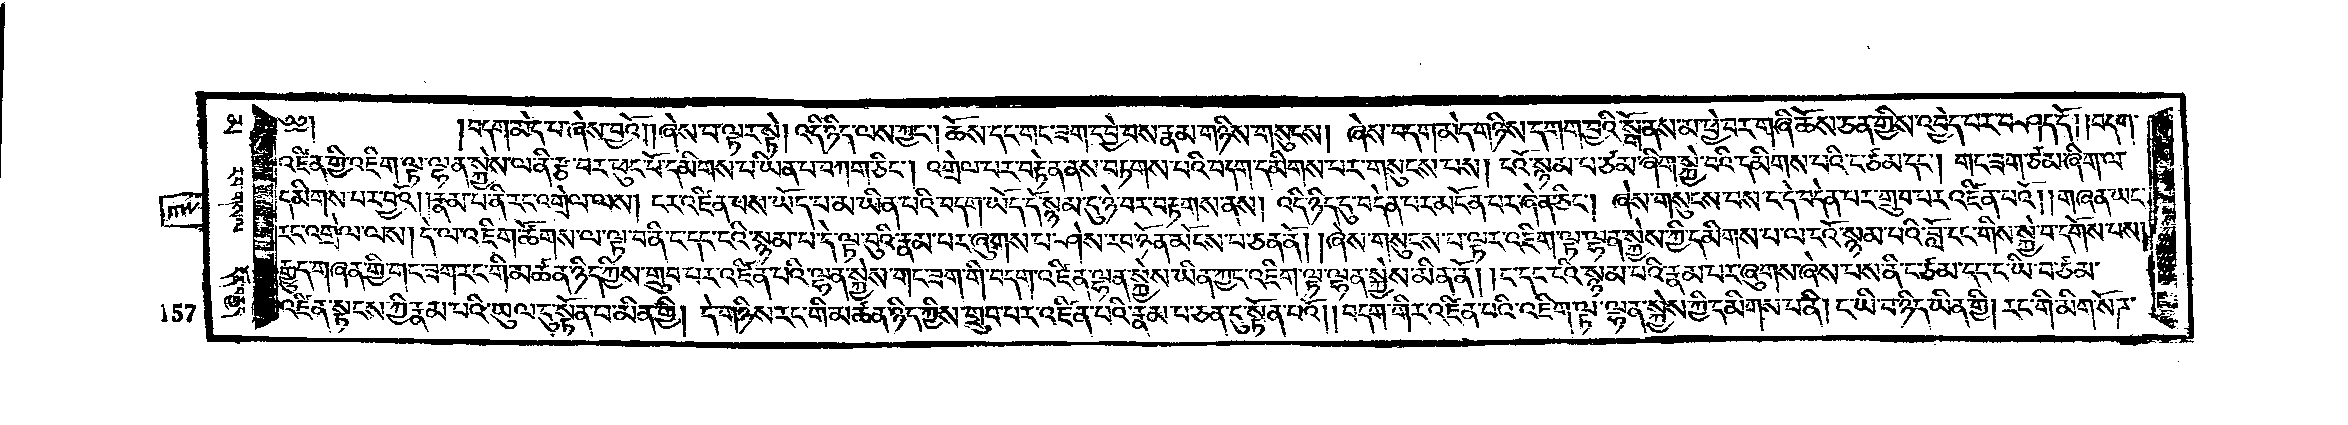༄༅། །བདག་མེད་པ་ཞེས་བྱའོ། །ཞེས་པ་ལྟར་སྟེ། འདི་ཉིད་ལས་ཀྱང་། ཆོས་དང་གང་ཟག་དབྱེ་བས་རྣམ་གཉིས་གསུངས། ཞེས་བདག་མེད་གཉིས་དགག་བྱའི་སྒོ་ནས་མ་ཕྱེ་བར་གཞི་ཆོས་ཅན་གྱིས་འབྱེད་པར་བཤད་དོ། །བདག་
འཛིན་གྱི་འཇིག་ལྟ་ལྷན་སྐྱེས་ལ་ནི་རྩ་བར་ཕུང་པོ་དམིགས་པ་ཡིན་པ་བཀག་ཅིང་། འགྲེལ་པར་བརྟེན་ནས་བཏགས་པའི་བདག་དམིགས་པར་གསུངས་པས། ངའོ་སྙམ་པ་ཙམ་ཞིག་སྐྱེ་བའི་དམིགས་པའི་ང་ཙམ་དང་། གང་ཟག་ཙམ་ཞིག་ལ་
དམིགས་པར་བྱའོ། །རྣམ་པ་ནི་རང་འགྲེལ་ལས། ངར་འཛིན་པས་ཡོད་པ་མ་ཡིན་པའི་བདག་ཡོད་དོ་སྙམ་དུ་ཉེ་བར་བརྟགས་ནས། འདི་ཉིད་དུ་བདེན་པར་མངོན་པར་ཞེན་ཅིང་། ཞེས་གསུངས་པས་ང་དེ་བདེན་པར་གྲུབ་པར་འཛིན་པའོ། །གཞན་ཡང་
རང་འགྲེལ་ལས། དེ་ལ་འཇིག་ཚོགས་ལ་ལྟ་བ་ནི་ང་དང་ངའི་སྙམ་པ་དེ་ལྟ་བུའི་རྣམ་པར་ཞུགས་པ་ཤེས་རབ་ཉོན་མོངས་པ་ཅན་ནོ། །ཞེས་གསུངས་པ་ལྟར་འཇིག་ལྟ་ལྷན་སྐྱེས་ཀྱི་དམིགས་པ་ལ་ངའོ་སྙམ་པའི་བློ་ངང་གིས་སྐྱེ་བ་དགོས་པས།
རྒྱུད་གཞན་གྱི་གང་ཟག་རང་གི་མཚན་ཉིད་ཀྱིས་གྲུབ་པར་འཛིན་པའི་ལྷན་སྐྱེས་གང་ཟག་གི་བདག་འཛིན་ལྷན་སྐྱེས་ཡིན་ཀྱང་འཇིག་ལྟ་ལྷན་སྐྱེས་མིན་ནོ། །ང་དང་ངའི་སྙམ་པའི་རྣམ་པར་ཞུགས་ཞེས་པས་ནི་ང་ཙམ་དང་ང་ཡི་བ་ཙམ་
འཛིན་སྟངས་ཀྱི་རྣམ་པའི་ཡུལ་དུ་སྟོན་པ་མིན་གྱི། དེ་གཉིས་རང་གི་མཚན་ཉིད་ཀྱིས་གྲུབ་པར་འཛིན་པའི་རྣམ་པ་ཅན་དུ་སྟོན་པའོ། །བདག་གིར་འཛིན་པའི་འཇིག་ལྟ་ལྷན་སྐྱེས་ཀྱི་དམིགས་པ་ནི། ང་ཡི་བ་ཉིད་ཡིན་གྱི། རང་གི་མིག་སོགས་